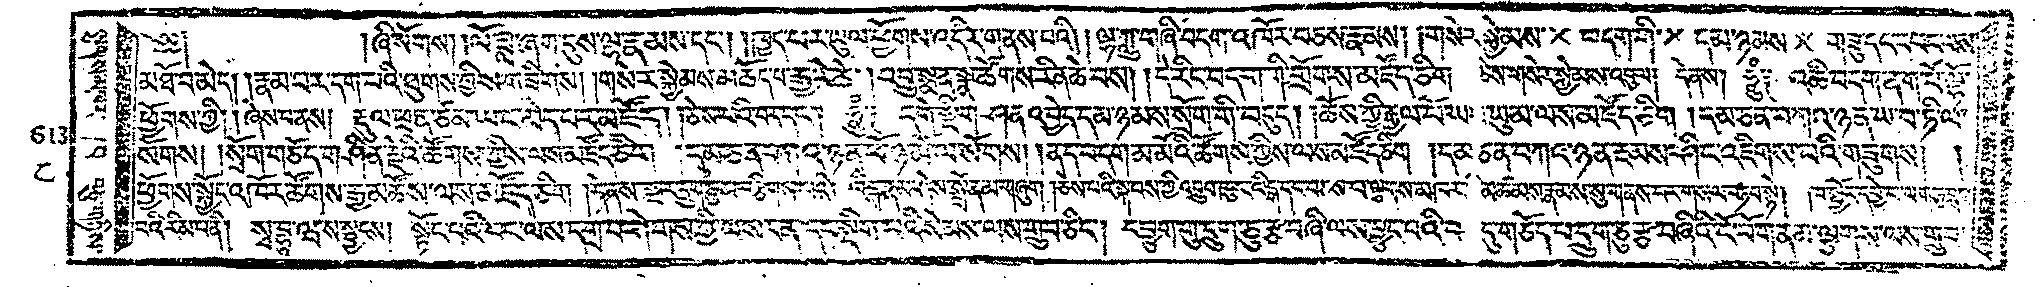༄༅། །ཞི་སོགས། །ལོ་ཟླ་ཞག་དུས་ལྷ་རྣམས་དང་། །ཁྱད་པར་ཡུལ་ཕྱོགས་འདིར་གནས་པའི། །ལྷ་ཀླུ་གཞི་བདག་འཁོར་བཅས་རྣམས། །གསེར་སྐྱེམས་྾་བདག་གི་྾་དམ་ཉམས་྾་གཟུ་དང་དཔང་ལས་
མཐོ་བ་མེད། །རྣམ་པར་དག་པའི་ཐུགས་ཀྱིས་གཟིགས། །གསེར་སྐྱེམས་མཆོད་པ་རྒྱ་རེ་ཆེ། །འབྲུ་སྨན་སྣ་ཚོགས་རིན་ཆེ་བས། །དེ་རིང་བདག་གི་གྲོགས་མཛོད་ཅིག་ཅེས་གསེར་སྐྱེམས་འབུལ། དེ་ནས།  ཧཱུཾ༑ འཆི་བདག་ནག་པོ་ལྷོ་
ཕྱོགས་ཀྱི། །ཞེས་པ་ནས།  རྡུལ་ཕྲན་ཙམ་ཡང་མེད་པར་མཛོད། །ཅེས་པའི་བར་དང་། ཧཱུཾ༑ དགེ་སྡིག་ཤན་འབྱེད་དམ་ཉམས་སྲོག་གི་བདུད། །ཆོས་ཀྱི་རྒྱལ་པོ་ཡབ་ཡུམ་ལས་མཛོད་ཅིག །དམ་ཅན་བཀའ་ཉན་ཡ་བ་ཏི་ལ་
སོགས། །སྲོག་གཅོད་གཤིན་རྗེའི་ཚོགས་ཀྱིས་ལས་མཛོད་ཅིག །དམ་ཅན་བཀའ་ཉན་ཕོ་ཉ་མོ་ལ་སོགས། །ནད་བདག་མ་མོའི་ཚོགས་ཀྱིས་ལས་མཛོད་ཅིག །དམ་ཅན་བཀའ་ཉན་རྔམས་ཤིང་འཇིགས་པའི་གཟུགས། །
ཕྱོགས་སྐྱོང་འཁོར་ཚོགས་རྒྱ་མཚོས་ལས་མཛོད་ཅིག །དེ་ནས་སྔར་དྲུག་ཅུ་མ་བརྩིགས་པའི། ལིངྒ་རྣམ་ཤེས་སྒྲོན་མ་གཞུག །ཅེས་པའི་སྐབས་ཀྱི་འབྲུབ་ཁུང་ལིངྒ་དང་བཅས་པ་ལྕགས་མཁར་གྱི་མཚམས་རྣམས་སུ་གནས་པར་གསལ་བཏབ་སྟེ། ཁ་སྦྱོར་དབྱེ་བ་ལག་ཏུ་བླང་
བའི་རིམ་པ་ནི། སྭ་བྷཱ་ཝས་སྦྱངས། སྟོང་པའི་ངང་ལས་དགྲ་བགེགས་ཀྱི་ལས་ངན་དང་སྡིག་པའི་སེམས་ལས་གྲུབ་ཅིང་། དབྱུག་གུ་དྲུག་ཅུ་རྩ་བཞི་ལས་བྱུང་བའི་བར་དུ་གཅོད་པ་དྲུག་ཅུ་རྩ་བཞིའི་ངོ་བོ་གནམ་ལྕགས་ལས་གྲུབ་